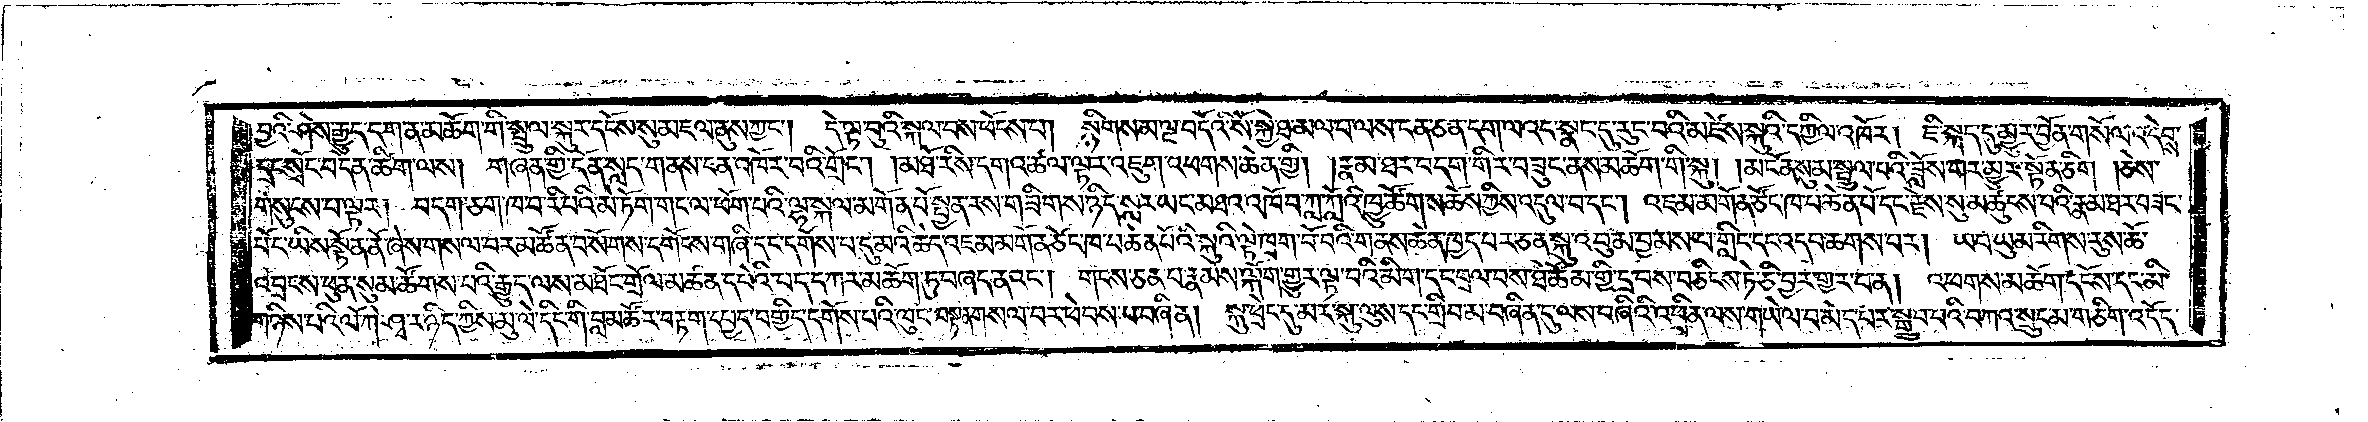བྱའི་ཤེས་རྒྱུད་དག་ན་མཆོག་གི་སྤྲུལ་སྐུར་དངོས་སུ་མཇལ་ནུས་ཀྱང་། དེ་ལྟ་བུའི་སྐལ་བས་ཕོངས་པ། སྙིགས་མ་ལྔ་བདོའི་སོ་སྐྱེ་ཐ་མལ་བ་ལས་ངན་ཅན་དག་ལའང་སྣང་དུ་རུང་བའི་མཛེས་སྐུའི་དཀྱིལ་འཁོར། ཇི་སྐད་དུ་མྱུར་བྱོན་གསོལ་འདེབས་
དྲང་སྲོང་བདེན་ཚིག་ལས། གཞན་གྱི་དོན་སླད་གནས་ངན་འཁོར་བའི་གྲོང་། །མཐོ་རིས་དགའ་ཚལ་ལྟར་འཇུག་འཕགས་ཆེན་གྱི། །རྣམ་ཐར་བདག་གིར་བཟུང་ནས་མཆོག་གི་སྐུ། །མངོན་སུམ་སྤྲུལ་པའི་ཟློས་གར་མྱུར་སྟོན་ཅིག །ཅེས་
གསུངས་པ་ལྟར། བདག་ཅག་ཁ་བ་རི་པའི་མེ་ཏོག་གང་ལ་ཕོག་པའི་ལྷ་སྐལ་མགོན་པོ་སྤྱན་རས་གཟིགས་ཉིད་སླར་ཡང་མཐའ་འཁོ་བ་ཀླ་ཀློའི་ཁྱུ་ཚོགས་ཆོས་ཀྱིས་འདུལ་བ་དང་། འཇམ་མགོན་ཙོང་ཁ་པ་ཆེན་པོ་དང་རྗེས་སུ་མཚུངས་པའི་རྣམ་ཐར་བཟང་
བོ་ང་ཡིས་སྟོན་ནོ་ཞེས་གསལ་བར་མཚོན་བ་སོགས་དགོངས་གཞི་དང་དགོས་པ་དུ་མའི་ཆེད་འཇམ་མགོན་ཙོང་ཁ་པ་ཆེན་པོའི་སྐུའི་ལྟེ་ཁྲག་པོ་བའི་གནས་ཆེན་ཁྱད་པར་ཅན་སྐུ་འབུམ་བྱམས་པ་གླིང་དང་འདབ་ཆགས་པར། ཡབ་ཡུམ་རིགས་རུས་ཆོ་
འབྲངས་ཕུན་སུམ་ཚོགས་པའི་རྒྱུད་ལས་མཐོང་གྲོལ་མཚན་དཔེའི་པད་དཀར་མཆོག་ཏུ་བཞད་ནའང་། གངས་ཅན་བ་རྣམས་ལྐོག་ཏུ་གྱུར་ལྟ་བའི་མིག་དང་བྲལ་བས་ཐེ་ཚོམ་གྱི་དྲ་བས་བཅིངས་ཏེ་ཅི་བྱར་གྱར་བ་ན། འཕགས་མཆོག་དངོས་དང་མི་
གཉིས་པའི་ལོ་ཀེ་ཤྭ་ར་ཉིད་ཀྱིས་མུ་ལེ་དིང་གི་བླ་མཚོར་བརྟག་དཔྱད་བགྱིད་དགོས་པའི་ལུང་བསྟན་གསལ་བར་ཕེབས་པ་བཞིན། སྐུ་ཕྲེང་དུ་མར་སྐུ་ལུས་དང་གྲིབ་མ་བཞིན་དུ་ལས་བཞིའི་འཕྲིན་ལས་གཡེལ་བ་མེད་པར་སྒྲུབ་པའི་བཀའ་སྲུང་མ་གཅིག་འདོད་